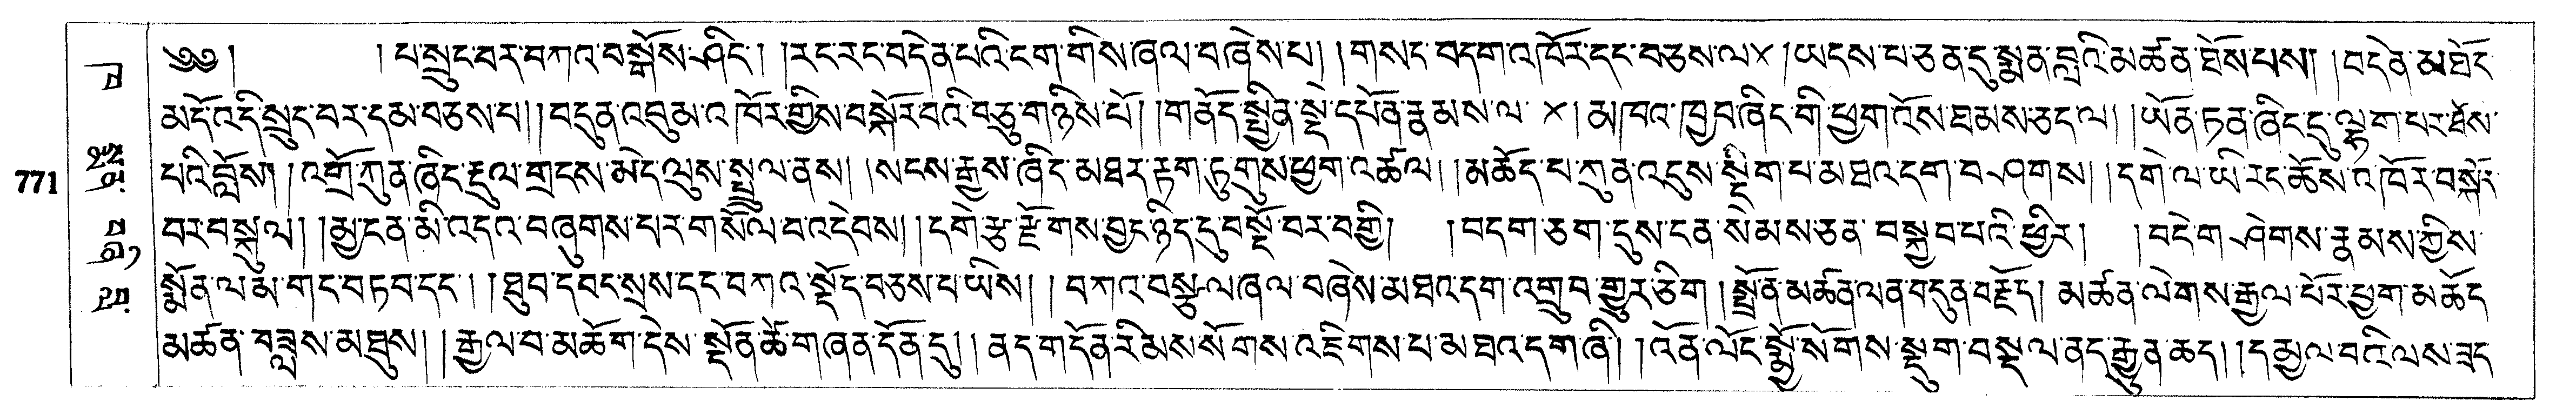༄༅། །པ་སྲུང་བར་བཀའ་བསྒོས་ཤིང་། །རང་རང་བདེན་པའི་ངག་གིས་ཞལ་བཞེས་པ། །གསང་བདག་འཁོར་དང་བཅས་ལ་྾། ཡངས་པ་ཅན་དུ་སྨན་བླའི་མཚན་ཐོས་པས། །བདེན་མཐོང་
མདོ་འདི་སྲུང་བར་དམ་བཅས་པ། །བདུན་འབུམ་འཁོར་གྱིས་བསྐོར་བའི་བཅུ་གཉིས་པོ། །གནོད་སྤྱིན་སྡེ་དཔོན་རྣམས་ལ་྾། མཁའ་ཁྱབ་ཞིང་གི་ཕྱག་འོས་ཐམས་ཅད་ལ། །ཡོན་ཏན་ཞིང་དུ་ལྷག་པར་ཐོས་
པའི་བློས། །འགྲོ་ཀུན་ཞིང་རྡུལ་གྲངས་མེད་ལུས་སྤྲུལ་ནས། །སངས་རྒྱས་ཞིང་མཐར་རྟག་ཏུ་གུས་ཕྱག་འཚལ། །མཆོད་པ་ཀུན་འདུས་སྡིག་པ་མཐའ་དག་བཤགས། །དགེ་ལ་ཡི་རང་ཆོས་འཁོར་བསྐོར་
བར་བསྐུལ། །མྱ་ངན་མི་འདའ་བཞུགས་པར་གསོལ་བ་འདེབས། །དགེ་རྩ་རྫོགས་བྱང་ཉིད་དུ་བསྔོ་བར་བགྱི། །བདག་ཅག་དུས་ངན་སེམས་ཅན་བསྐྱབ་པའི་ཕྱིར། །བདེ་གཤེགས་རྣམས་ཀྱིས་
སྨོན་ལམ་གང་བཏབ་དང་། །ཐུབ་དབང་སྲས་དང་བཀའ་སྡོད་བཅས་པ་ཡིས། །བཀའ་བསྩལ་ཞལ་བཞེས་མཐའ་དག་འགྲུབ་གྱུར་ཅིག །སྤྲོ་ན་མཚན་ལན་བདུན་བརྗོད། མཚན་ལེགས་རྒྱལ་པོར་ཕྱག་མཆོད་
མཚན་བཟླས་མཐུས། །རྒྱལ་བ་མཆོག་དེས་སྔོན་ཚེ་གཞན་དོན་དུ། །ནད་གདོན་རིམས་སོགས་འཇིགས་པ་མཐའ་དག་ཞི། །འོན་ལོང་སྨྱོ་སོགས་སྡུག་བསྔལ་ནད་རྒྱུན་ཆད། །དམྱལ་བའི་ལས་ཟད་